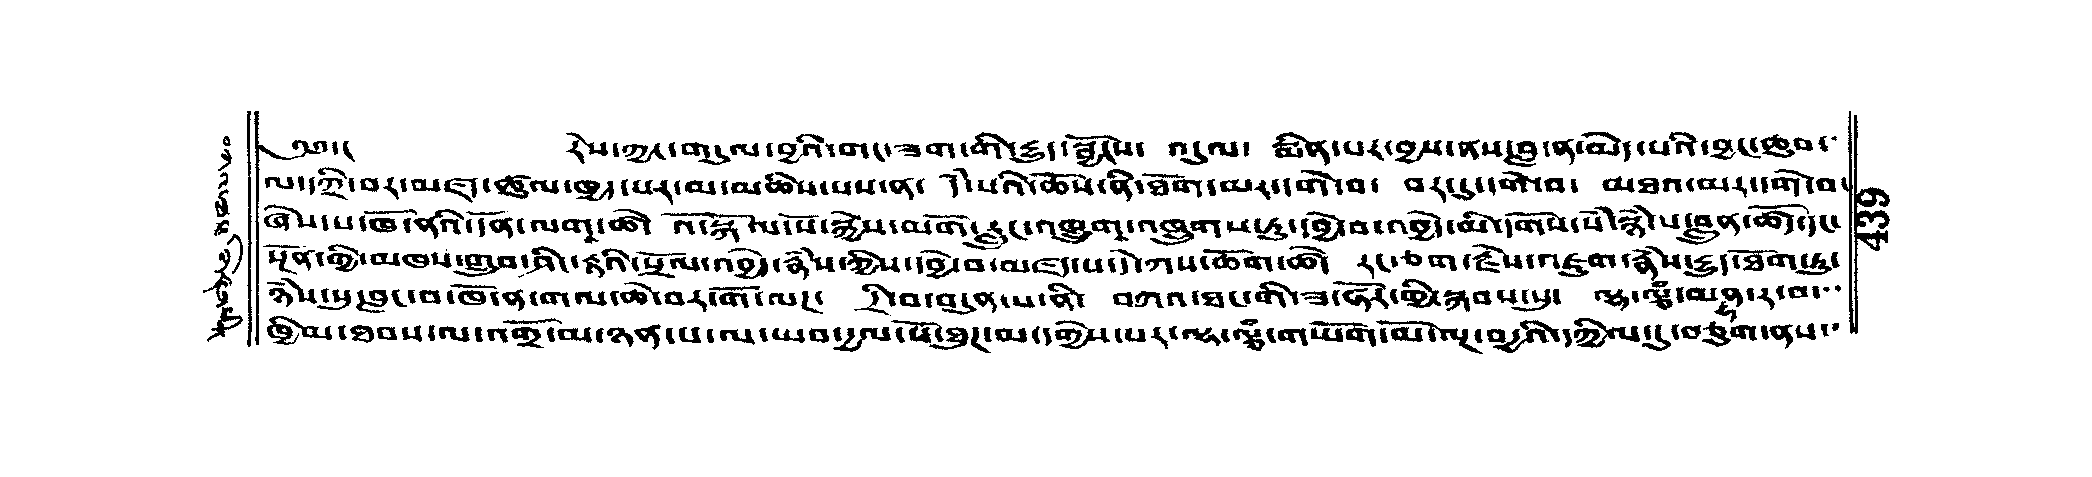རེས་ཀྱང་གདུལ་བྱའི་གང་ཟག་གི་རྒྱུད་སྦྱོང་འདུལ། སྨིན་པར་བྱས་ནས་བླ་ན་མེད་པའི་བྱང་ཆུབ་
ལ་དཀྲི་བར་མཛད་ཚུལ་ཁྱད་པར་མ་མཆིས་པས་ན། དམ་པའི་ཆོས་ནི་ཐོག་མར་དགེ་བ། བར་དུ་དགེ་བ། མཐའ་མར་དགེ་བ་
ཞེས་པ་ཁོ་ནའི་དོན་ལགས་ཚེ། འོ་སྐོལ་སོ་སྐྱེས་མགོ་རླུང་འཁྲུགས་འཁྲུགས་ཏུ་དབྱེ་བ་འབྱེད་མི་དགོས་སམ་སྙམ་པ་བླུན་ཚོད་དང་
སྔོན་གྱི་མཁས་གྲུབ་ཤིང་རྟའི་སྲོལ་འབྱེད་རྣམས་ཀྱིས་དབྱེ་བ་མཛད་པ་དེ་ཀས་ཆོག་ཚེ། རང་ཅག་རྗེས་འཇུག་རྣམས་རྒྱུད་ཐོག་ཏུ་
ཉམས་སུ་བླང་ཁོ་ན་གལ་ཆེ་བར་གོ་ལགས། དྲི་བ་བདུན་པ་ནི། བཀའ་ཐང་གི་ཟ་ཧོར་གྱི་སྐབས་སུ། ལྷ་ལྕམ་མནྡྷ་ར་བ་
ཁྱིམ་ཐབས་ལ་འགྲོ་མ་ཉན་པ་ལ་ཡབ་རྒྱལ་པོ་ཐུགས་མ་དགྱེས་པར་ལྷ་ལྕམ་གཡོག་མོ་ལྔ་བརྒྱའི་དཀྱིལ་དུ་བཅུག་ནས་